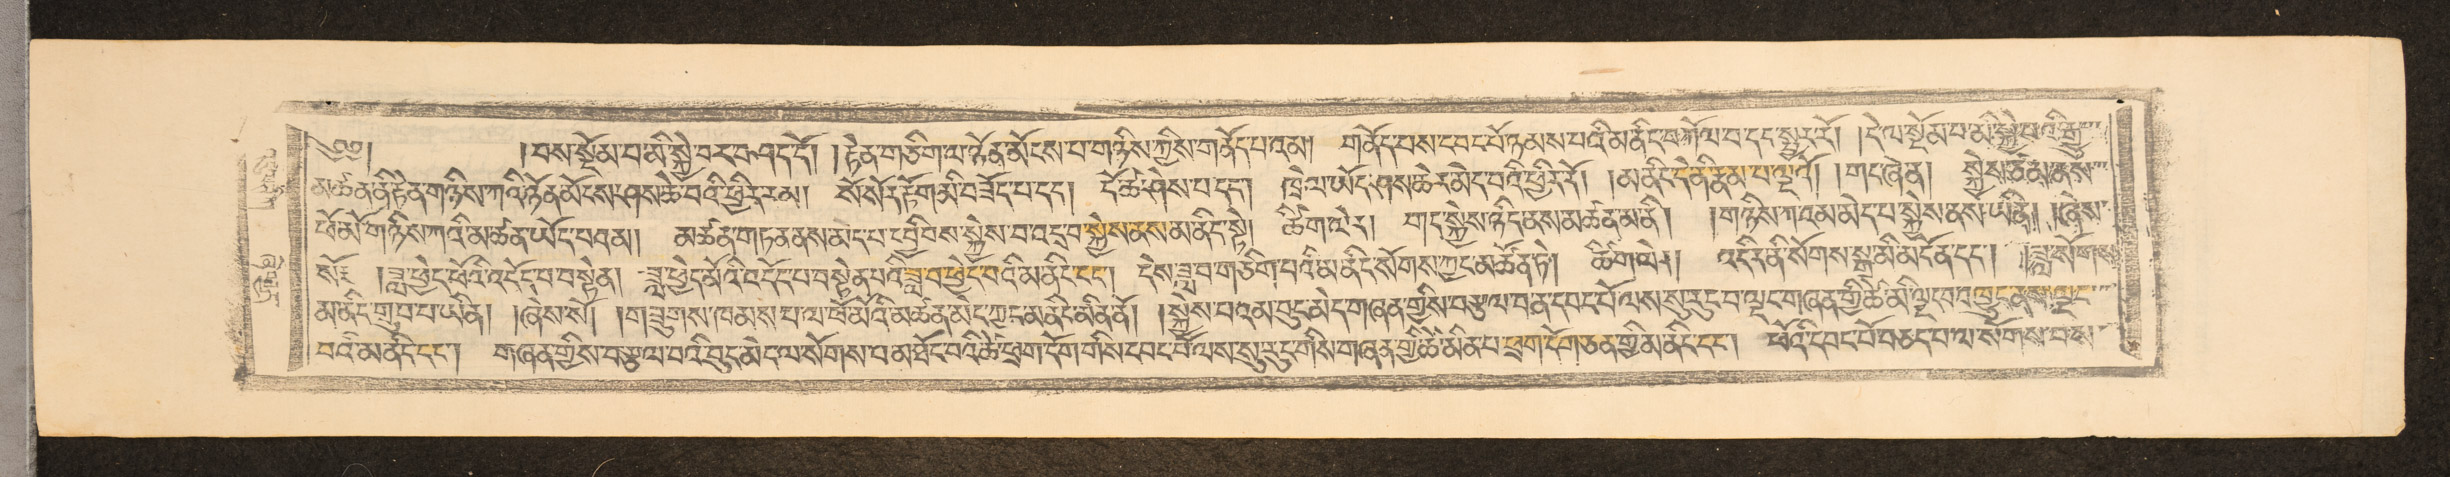༄༅། །བས་སྡོམ་པ་མི་སྐྱེ་བར་བཤད་དོ། །རྟེན་གཅིག་ལ་ཉོན་མོངས་པ་གཉིས་ཀྱིས་གནོད་པའམ། གནོད་པས་དབང་པོ་ཉམས་པའི་མ་ནིང་བཀོལ་བ་དང་སྦྱར་རོ། །དེ་ལ་སྡོམ་པ་མི་སྐྱེ་བའི་རྒྱུ་
མཚན་ནི་རྟེན་གཉིས་ཀའི་ཉོན་མོང་ག་ཤས་ཆེ་བའི་ཕྱིར་རམ། སོ་སོར་རྟོག་མི་བཟོད་པ་དང་། ངོ་ཚ་ཤེས་པ་དང་། ཁྲེལ་ཡོད་ཤས་ཆེར་མེད་པའི་ཕྱིར་རོ། །མ་ནིང་དེ་ནི་རྣམ་པ་ལྔའོ། །གང་ཞེ་ན། སྐྱེས་ཙམ་ནས་
ཕོ་མོ་གཉིས་ཀའི་མཚན་ཡོད་པའམ། མཚན་གཏན་ནས་མེད་པ་དབྱིབས་སྐྱེས་པ་འདྲ་བ་སྐྱེས་ནས་མ་ནིང་སྟེ། ཚིག་ལ་རེ། གང་སྐྱེས་ཉིད་ནས་མཚན་མ་ནི། །གཉིས་ཀ་འམ་མེད་པ་སྐྱེས་ནས་ཡིན། །ཞེས་
སོ༑ །ཟླ་ཕྱེད་ཕོའི་འདོད་པ་བསྟེན། ཟླ་ཕྱེད་མོའི་འདོད་པ་བསྟེན་པའི་ཟླ་བ་ཕྱེད་པའི་མ་ནིང་དང་། དེས་ཟླ་བ་གཅིག་པའི་མ་ནིང་སོགས་ཀྱང་མཚོན་ཏེ། ཚིག་ལེར། འདིར་ནི་སོགས་སྒྲ་མི་མངོན་དང་། །ཟླ་སོགས་
མ་ནིང་གྲུབ་པ་ཡིན། །ཞེས་སོ། །གཟུགས་ཁམས་པ་ལ་ཕོ་མོའི་མཚན་མེད་ཀྱང་མ་ནིང་མིན་ནོ། །སྐྱེས་པའམ་བུད་མེད་གཞན་གྱིས་བརྩལ་བ་ན་དབང་པོ་ལས་སུ་རུང་བ་ལྡང་གཞན་གྱི་ཚེ་མི་ལྡང་བ་འཁྱུད་ནས་ལྡང་
པའི་མ་ནིང་དང་། གཞན་གྱིས་བརྩལ་བའི་བུད་མེད་ལ་སོགས་པ་མཐོང་བའི་ཚེ་ཕྲག་དོག་གིས་དབང་པོ་ལས་སུ་རུང་གིས་གཞན་གྱི་ཚེ་མིན་པ་ཕྲག་དོག་ཅན་གྱི་མ་ནིང་དང་། ཕོའི་དབང་པོ་བཅད་པ་ལ་སོགས་པས་